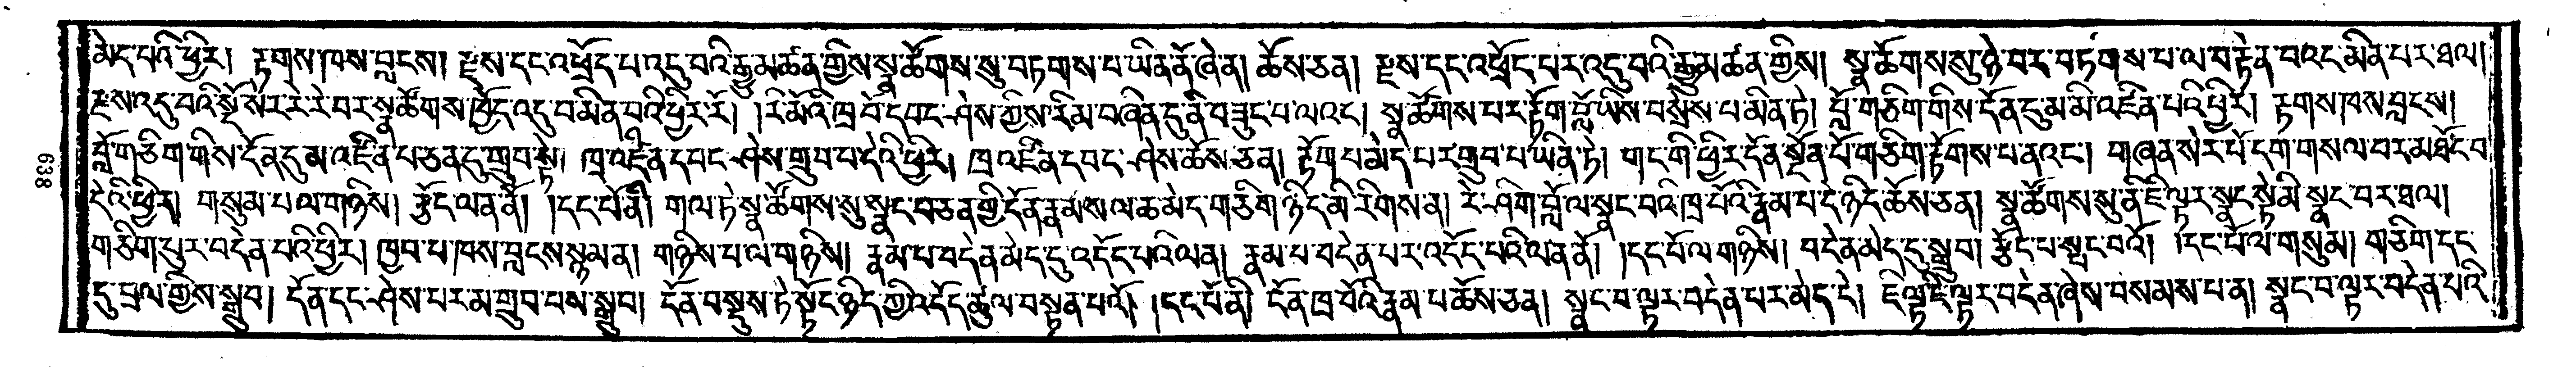མེད་པའི་ཕྱིར། རྟགས་ཁས་བླངས། རྫས་དང་འཕྲོད་པ་འདུ་པའི་རྒྱུ་མཚན་སྣ་ཚོགས་སུ་བཏགས་པ་ཡིན་ནོ་ཞེ་ན། ཆོས་ཅན། རྫས་དང་འཕྲོད་པར་འདུ་པའི་རྒྱུ་མཚན་གྱིས། སྣ་ཚོགས་སུ་ཉེ་བར་བཏགས་པ་ལ་བརྟེན་པའང་མིན་པར་ཐལ།
རྫས་འདུ་པའི་སྔོ་སེར་རེ་རེ་བར་སྣ་ཚོགས་ཁྱོད་འདུ་བ་མིན་པའི་ཕྱིར་རོ། །རི་མོའི་ཁྲ་བོ་དབང་ཤེས་ཀྱིས་རིམ་བཞིན་དུ་ནི་བཟུང་བ་ལའང་། སྣ་ཚོགས་བར་རྟོག་བློ་ཡིས་བསྲེས་པ་མིན་ཏེ། བློ་གཅིག་གིས་དོན་དུ་མ་མི་འཛིན་པའི་ཕྱིར། རྟགས་ཁས་བླངས།
བློ་གཅིག་གིས་དོན་དུ་མ་འཛིན་པ་ཅན་དུ་གྲུབ་སྟེ། ཁྲ་འཛིན་དབང་ཤེས་གྲུབ་པ་དེའི་ཕྱིར། ཁྲ་འཛིན་དབང་ཤེས་ཆོས་ཅན། རྟོག་པ་མེད་པར་གྲུབ་པ་ཡིན་ཏེ། གང་གི་ཕྱིར་དོན་སྔོན་པོ་གཅིག་རྟོགས་པ་ནའང་། གཞན་སེར་པོ་དག་གསལ་བར་མཐོང་བ་
དེའི་ཕྱིར། གསུམ་པ་ལ་གཉིས། རྩོད་ལན་ནོ། །དང་པོ་ནི། གལ་ཏེ་སྣ་ཚོགས་སུ་སྣང་བ་ཅན་གྱི་དོན་རྣམས་ལ་ཆ་མེད་གཅིག་ཉིད་མི་རིགས་ན། རེ་ཤིག་བློ་ལ་སྣང་བའི་ཁྲ་བོའི་རྣམ་པ་དེ་ཉིད་ཆོས་ཅན། སྣ་ཚོགས་སུ་ནི་ཇི་ལྟར་སྣང་སྟེ་མི་སྣང་བར་ཐལ།
གཅིག་པུར་བདེན་པའི་ཕྱིར། ཁྱབ་པ་ཁས་བླངས་སྙམ་ན། གཉིས་པ་ལ་གཉིས། རྣམ་པ་བདེན་མེད་དུ་འདོད་པའི་ལན། རྣམ་པ་བདེན་པར་འདོད་པའི་ལན་ནོ། །དང་པོ་ལ་གཉིས། བདེན་མེད་དུ་སྒྲུབ། རྩོད་པ་སྤང་བའོ། །དང་པོ་ལ་གསུམ། གཅིག་དང་
དུ་བྲལ་གྱིས་སྒྲུབ། དོན་དང་ཤེས་པར་མ་གྲུབ་པས་སྒྲུབ། དོན་བསྡུས་ཏེ་སྟོང་ཉིད་ཀྱི་འདོད་ཚུལ་བསྟན་པའོ། །དང་པོ་ནི། དོན་ཁྲ་བོའི་རྣམ་པ་ཆོས་ཅན། སྣང་བ་ལྟར་བདེན་པར་མེད་དེ། ཇི་ལྟར་ཇི་ལྟར་བདེན་ཞེས་བསམས་པ་ན། སྣང་བ་ལྟར་བདེན་པའི་